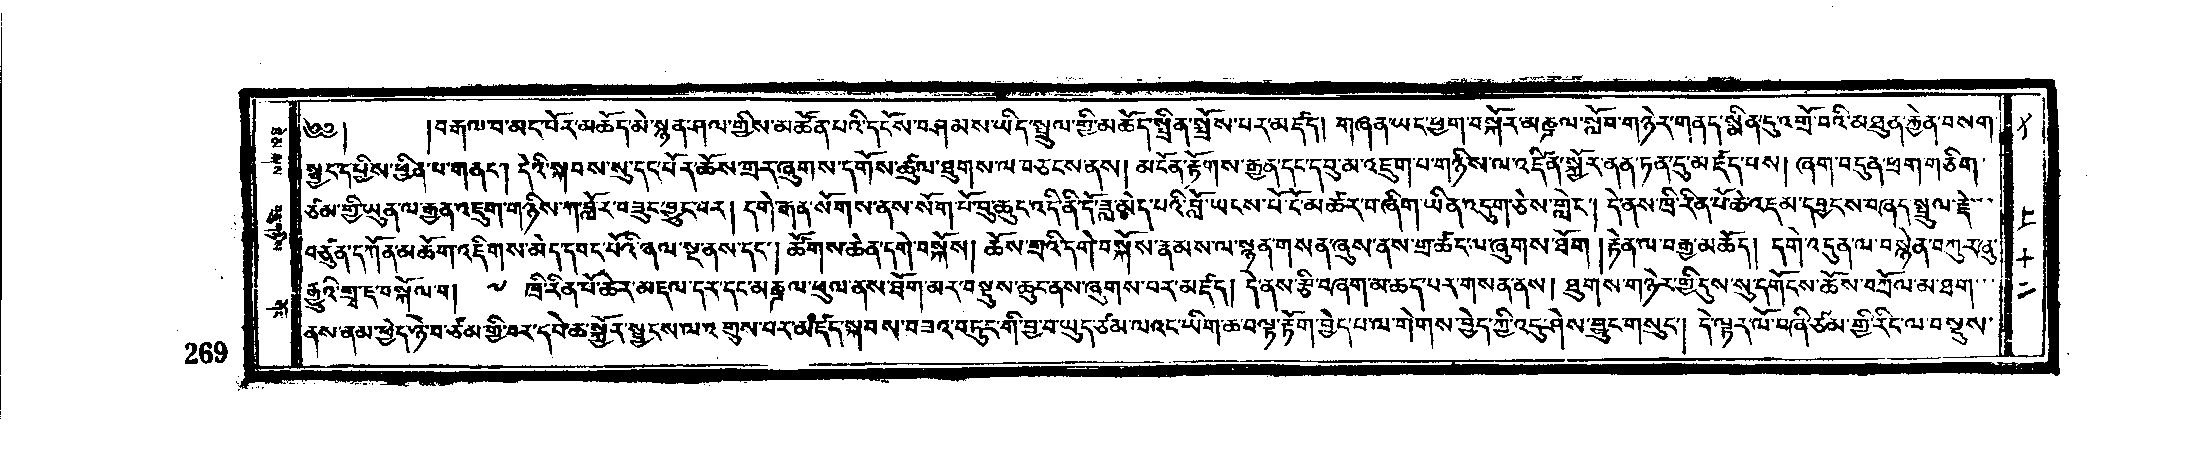༄༅། །བརྒལ་བ་མང་པོར་མཆོད་མེ་སྙན་ཤལ་གྱིས་མཚོན་པའི་དངོས་བཤམས་ཡིད་སྤྲུལ་གྱི་མཆོད་སྤྲིན་སྤྲོས་པར་མཛད། གཞན་ཡང་ཕྱག་བསྐོར་མཎྜལ་སློབ་གཉེར་གནད་སྨིན་དུ་འགྲོ་བའི་མཐུན་རྐྱེན་བསག་
སྦྱང་དཔྱིས་ཕྱིན་པ་གནང་། དེའི་སྐབས་སུ་དང་པོར་ཆོས་གྲར་ཞུགས་དགོས་ཚུལ་ཐུགས་ལ་བཅངས་ནས། མངོན་རྟོགས་རྒྱན་དང་དབུ་མ་འཇུག་པ་གཉིས་ལ་འཛིན་སྐྱོར་ནན་ཏན་དུ་མཛད་པས། ཞག་བདུན་ཕྲག་གཅིག་
ཙམ་གྱི་ཡུན་ལ་རྒྱན་འཇུག་གཉིས་ཀ་བློར་བཟུང་བྱུང་བར། དགེ་རྒན་སོགས་ནས་སོག་པོ་བུ་ཆུང་འདི་ནི་དོ་ཟླ་མེད་པའི་བློ་ཡངས་པོ་ངོ་མཚར་བ་ཞིག་ཡིན་འདུག་ཅེས་གླེང་། དེ་ནས་ཁྲི་རིན་པོ་ཆེ་འཇམ་དབྱངས་བཞད་སྤྲུལ་རྗེ་
བཙུན་དཀོན་མཆོག་འཇིགས་མེད་དབང་པོའི་ཞལ་སྔ་ནས་དང་། ཚོགས་ཆེན་དགེ་བསྐོས། ཆོས་གྲའི་དགེ་བསྐོས་རྣམས་ལ་སྙན་གསན་ཞུས་ནས་གྲ་ཚང་ལ་ཞུགས་ཐོག །རྟེན་ལ་བརྒྱ་མཆོད། དགེ་འདུན་ལ་བསྙེན་བཀུར་ནུ་
རྒྱུའི་གྲྭ་ཇ་བསྐོལ་བ། ༧་ཁྲི་རིན་པོ་ཆེར་མཇལ་དར་དང་མཎྜལ་ཕུལ་ནས་ཐོག་མར་བསྡུས་ཆུང་ནས་ཞུགས་པར་མཛད། དེ་ནས་རྩི་བཞག་མ་ཆད་པར་གསན་ནས། ཐུགས་གཉེར་གྱི་དུས་སུ་དགོངས་ཆོས་བཀྲོལ་མ་ཐག་
ནས་ནམ་ཕྱེད་ཉེ་བ་ཙམ་གྱི་བར་དཔེ་ཆ་སྐྱོར་སྦྱངས་ལ་འགྲུས་པར་མཛད་སྐབས་བཟའ་བཏུང་གི་བྱ་བ་ཡུད་ཙམ་ལའང་ཡིག་ཆ་བལྟ་རྟོག་བྱེད་པ་ལ་གེགས་བྱེད་ཀྱི་འདུ་ཤེས་བྱུང་གསུང་། དེ་ལྟར་ལོ་བཞི་ཙམ་གྱི་རིང་ལ་བསྡུས་